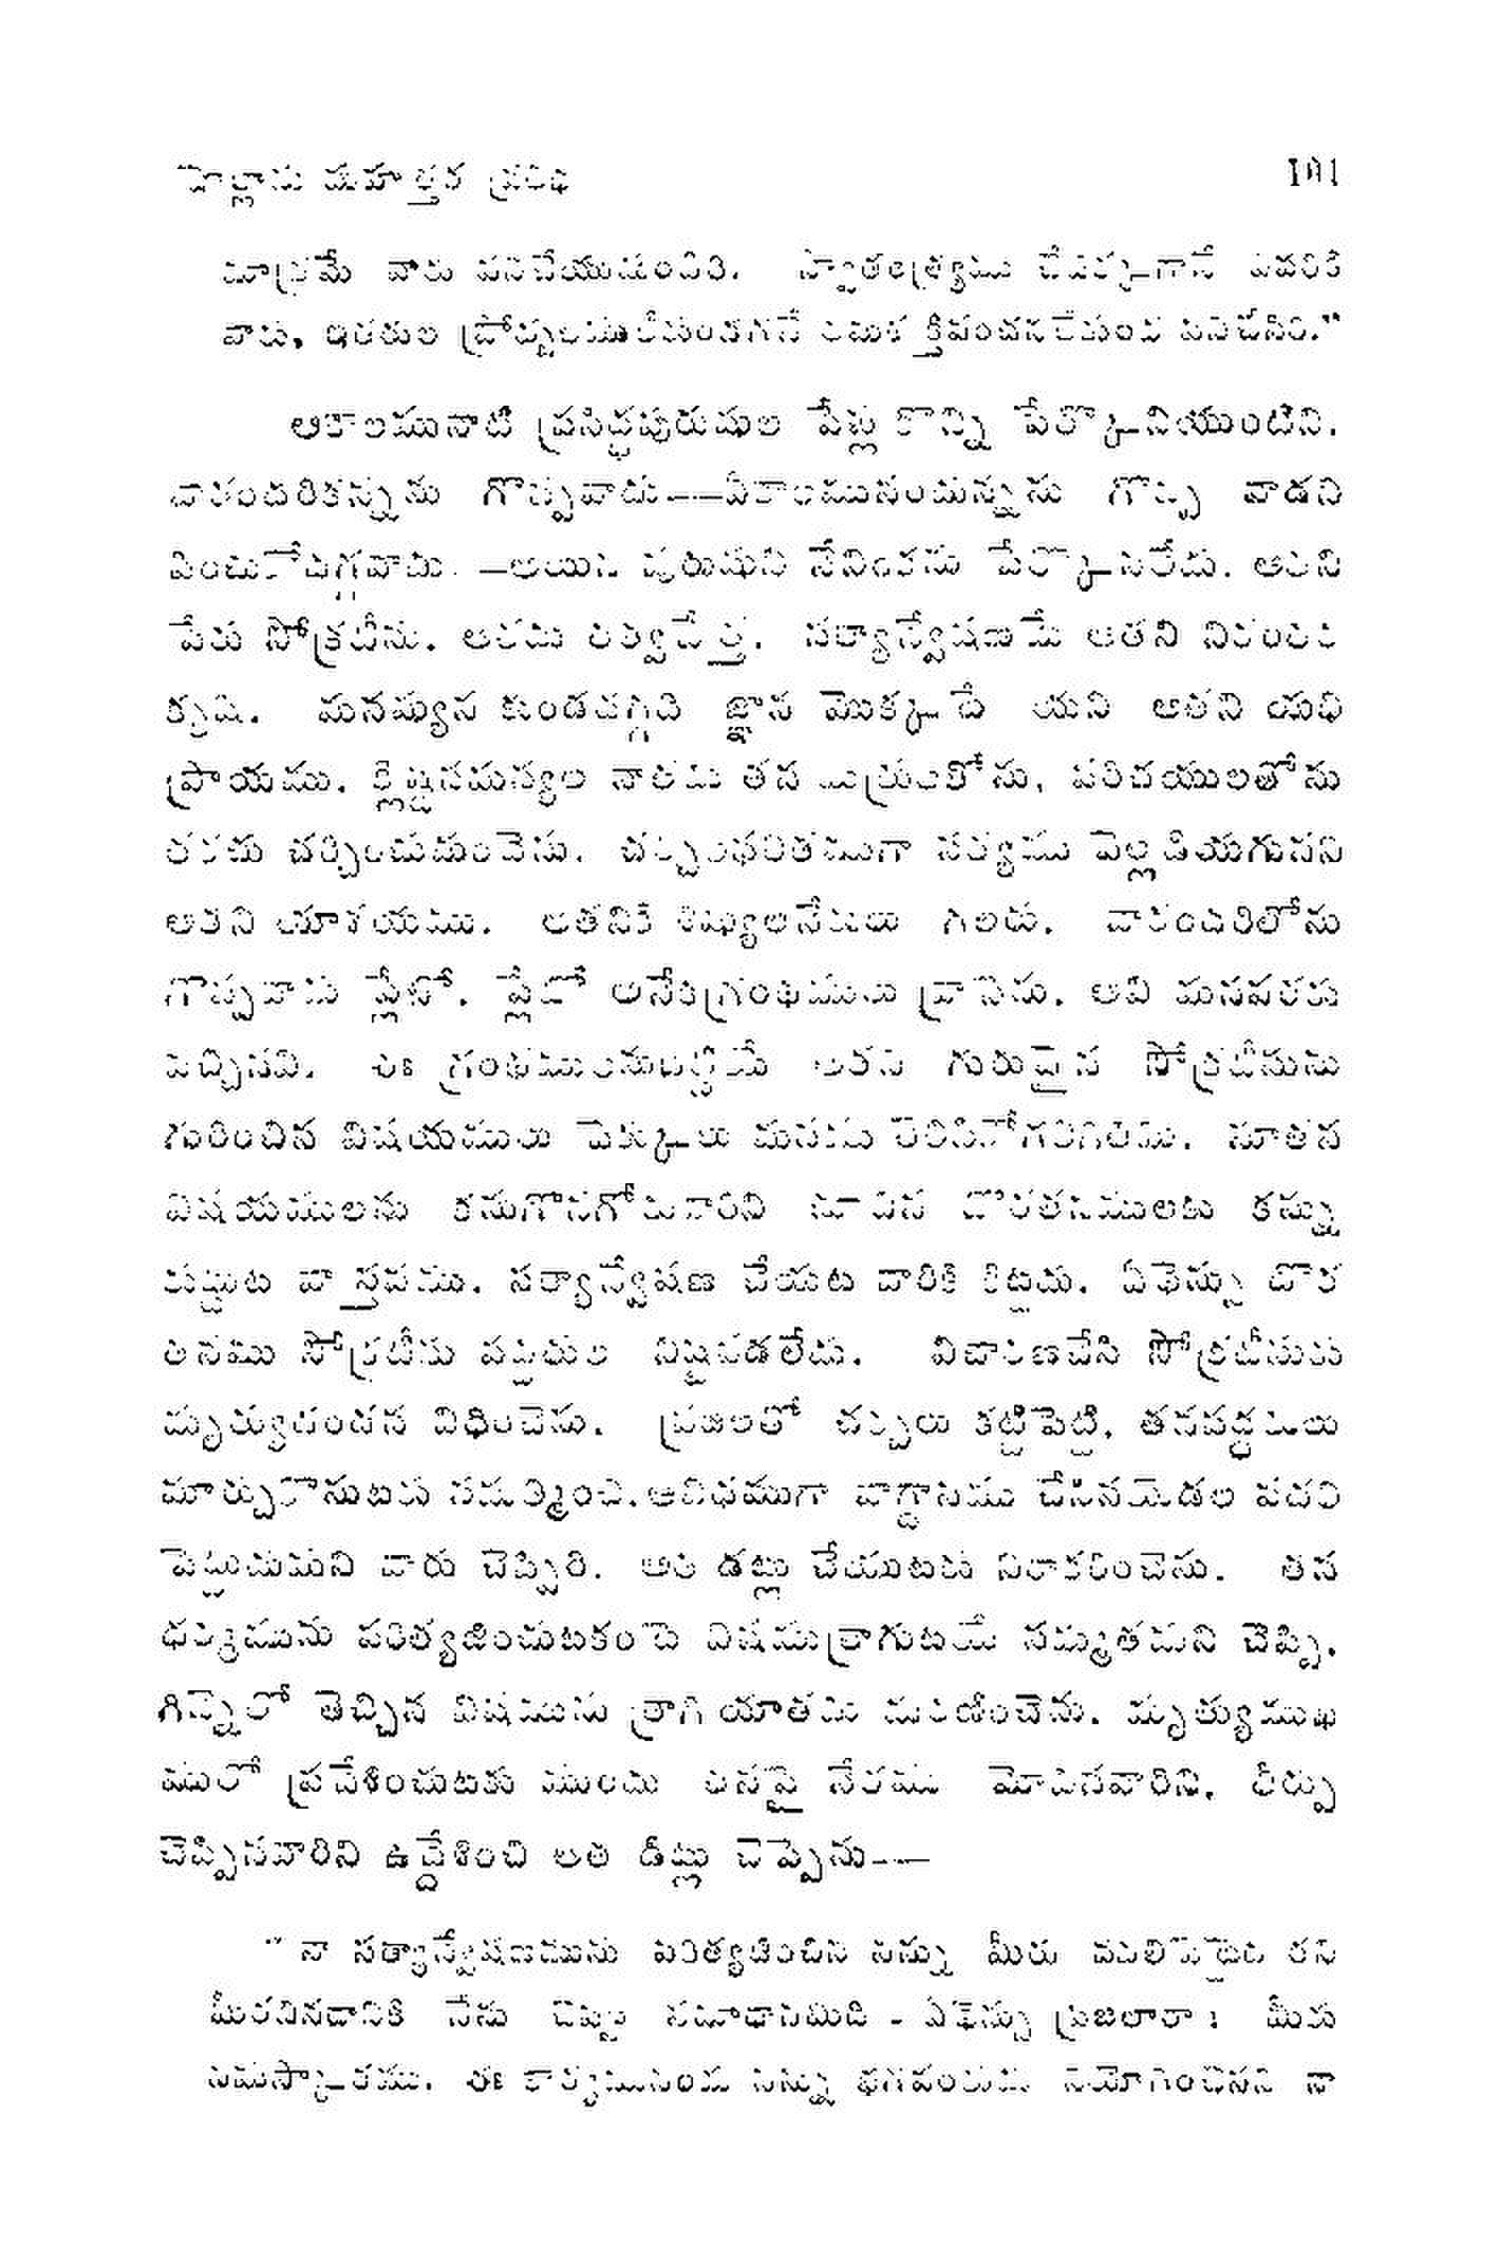మాత్రమే వారు పనిచేయుచుండిరి. స్వాతంత్ర్యము చేజిక్కగానే ఎవరికి వారు, ఇతరుల ప్రోద్బలములేకుండగనే తమశక్తివంచనలేకుండ పనిచేసిరి."

ఆకాలమునాటి ప్రసిద్ధపురుషుల పేళ్లు పేర్కినియుంటిని. వారందరికన్నను గొప్పవాడు - ఆకాలమునందున్నను గొప్ప వాడనిపించుకోదగ్గవాడు. - అయిన పురుషుని నేనింకను పేర్కొనలేదు. అతని పేరు సోక్రటీసు. అతడు తత్వవేత్త. సత్యాంవేషణమే అతని నిరంతర కృషి. మనష్యున కుండదగ్గది జ్ఞాన మొక్కటే యని అతని యభిప్రాయము. క్లిష్టసమస్యల నాతడు తన మిత్రులతోను, పరిచయములతోను తరచు చర్చించుచుండెను. చర్చలఫలితముగా సత్యము వెల్లడియగునని అతని యాశయము. అతనికి శిష్యులనేకులు గలరు. వారందరిలోను గొప్పవాడు ప్లేటో. ప్లేటో అనేకగ్రంథములను వ్రాసెను. అవి మనవరకు వచ్చినవి. ఈ గ్రంథములనుబట్టియే అతని గురువైన సోక్రటీసును గురించిన విషయములు పెక్కులు మనము తెలిసికోగలిగితిమి. నూతన విషయములను కనుగొనగోరువారిని చూచిన దొరతనములకు కన్నుకుట్టుట వాస్తవము. సత్యాంవేషణ చేయుట వారికి కిట్టదు. ఏథెన్సు దొరతనము సోక్రటీసు పద్దతుల నిష్టపడలేదు. విచారణచేసి సోక్రటీసుకు మృత్యుదండన విధించెను. ప్రజలతో చర్చలు కట్టిపెట్టి, తనపద్ధతులు మార్చుకొనుటకు సమ్మతించి. ఆవిధముగా వాగ్ధానము చేసినయెడల వదిలి పెట్టుదుమని వారు చెప్పిరి. అత డట్లు చేయుటకు నిరాకరించెను. తన ధర్మమును పరిత్యజించుటకంటె విషముత్రాగుటయే సమ్మతమని చెప్పి, గిన్నెలో తెచ్చిన విషమును త్రాగి యాతడు మరణించెను. మృత్యుముఖములో ప్రవేశించుటకు ముందు తనపై నేరము మోపినవారిని, తీర్పు చెప్పినవారిని ఉద్దేశించి అత డిట్లు చెప్పెను.

"నా సత్యాన్వేషణమును పరిత్యజించిన నన్ను మీరు వదలిపెట్టెద రని మీరనినదానికి నేను చెప్పు సమాధానమిది. ఏథెన్సు ప్రజలారా! మీకు నమస్కారము. ఈ కార్యమునందు నన్ను భగవంతుడు నియోగించినని నా